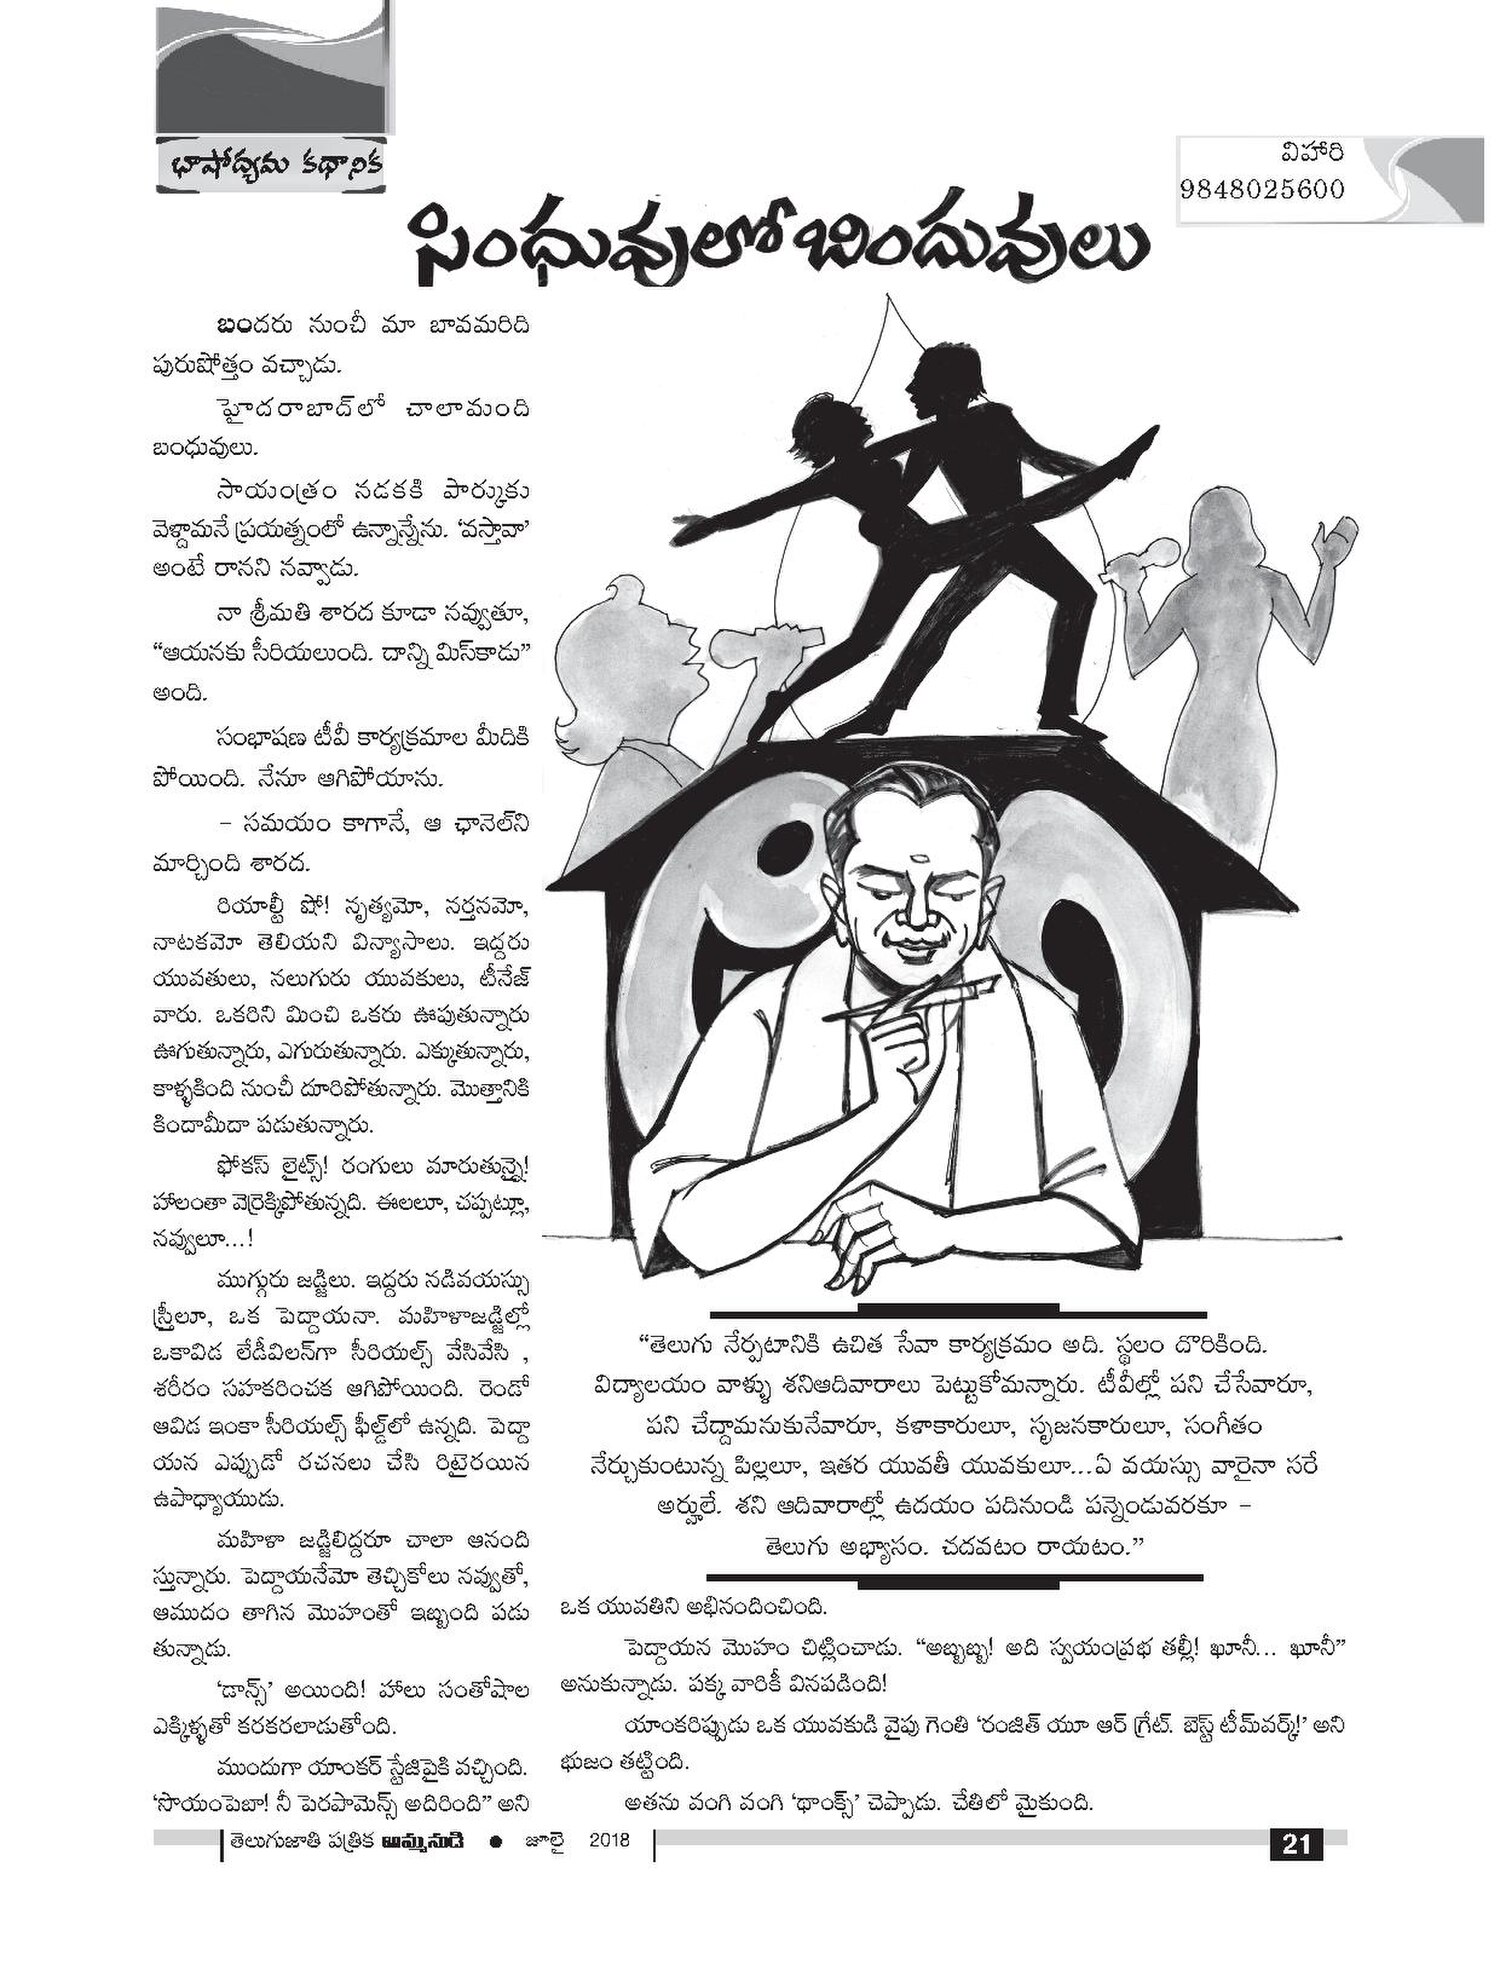భాషోద్యమ కథానిక

“తెలుగు నేర్చటానికి ఉచిత సేవా కార్యక్రమం అది. స్థలం దొరికింది. విద్యాలయం వాళ్ళు శనిఆదివారాలు పెట్టుకోమన్నారు. టీవీల్లో పని చేసేవారూ, పని చేద్దామనుకునేవారూ, కళాకారులూ, సృజనకారులూ, సంగీతం నేర్చుకుంటున్న పిల్లలూ, ఇతర యువతీ యువకులూ...ఏ వయస్సు వారైనా సరే అర్హులే. శని ఆదివారాల్లో ఉదయం పదినుండి పన్నెండువరకూ - తెలుగు అభ్యాసం. చదవటం రాయటం.”
బందరు నుంచీ మా బావమరిది పురుషోత్తం వచ్చాడు.

హైదరాబాద్‌లో చాలామంది బంధువులు.

సాయంత్రం నడకకి పార్కుకు వెళ్దామనే ప్రయత్నంలో ఉన్నాన్నేను. 'వస్తావా'
అంటే రానని నవ్వాడు.

నా శ్రీమతి శారద కూడా నవ్వుతూ, “ఆయనకు సీరియలుంది. దాన్ని మిస్‌కాడు” అంది.

సంభాషణ టీవీ కార్యక్రమాల మీదికి పోయింది. నేనూ ఆగిపోయాను.

- సమయం కాగానే, ఆ ఛానెల్‌ని మార్చింది శారద.

రియాల్టీ షో! నృత్యమో, నర్తనమో, నాటకమో తెలియని విన్యాసాలు. ఇద్దరు యువతులు, నలుగురు యువకులు, టీనేజ్‌ వారు. ఒకరిని మించి ఒకరు ఊపుతున్నారు ఊగుతున్నారు, ఎగురుతున్నారు. ఎక్కుతున్నారు, కాళ్ళకింది నుంచీ దూరిపోతున్నారు. మొత్తానికి కిందామీదా పదుతున్నారు.

ఫోకస్‌ లైట్స్‌! రంగులు మారుతున్నై! హాలంతా వెర్రెక్కిపోతున్నది. ఈలలూ, చప్పట్లూ, నవ్వులూ...!

ముగ్గురు జడ్జిలు. ఇద్దరు నడివయస్సు స్త్రీలూ, ఒక పెద్దాయనా. మహిళాజడ్డిల్లో ఒకావిడ లేడీవిలన్‌గా సీరియల్స్‌ వేసివేసి, శరీరం సహకరించక ఆగిపోయింది. రెండో ఆవిడ ఇంకా సీరియల్స్‌ ఫీల్డ్‌లో ఉన్నది. పెద్దాయన ఎప్పుడో రచనలు చేసి రిటైరయిన ఉపాధ్యాయుడు.

మహిళా జడ్జిలిద్దరూ చాలా ఆనందిస్తున్నారు. పెద్దాయనేమో తెచ్చికోలు నవ్వుతో, ఆముదం తాగిన మొహంతో ఇబ్బంది పడుతున్నాడు.

“డాన్స్‌' అయింది! హాలు సంతోషాల ఎక్కిళ్ళతో కరకరలాడుతోంది.

ముందుగా యాంకర్‌ స్టేజిపైకి వచ్చింది. 'సొయంపెబా! నీ పెరపామెన్స్‌ అదిరింది” అని ఒక యువతిని అభినందించింది.

పెద్దాయన మొహం చిట్లించాడు. “అబ్బబ్బ! అది స్వయంప్రభ తల్లీ! ఖూనీ... ఖూనీ” అనుకున్నాడు. పక్క వారికీ వినపడింది!

యాంకరిప్పుడు ఒక యువకుడి వైపు గెంతి 'రంజిత్‌ యూ ఆర్‌ గ్రేట్‌. బెస్ట్‌ టీమ్‌వర్క్‌!' అని
భుజం తట్టింది.

అతను వంగి వంగి 'థాంక్స్‌' చెప్పాడు. చేతిలో మైకుంది.